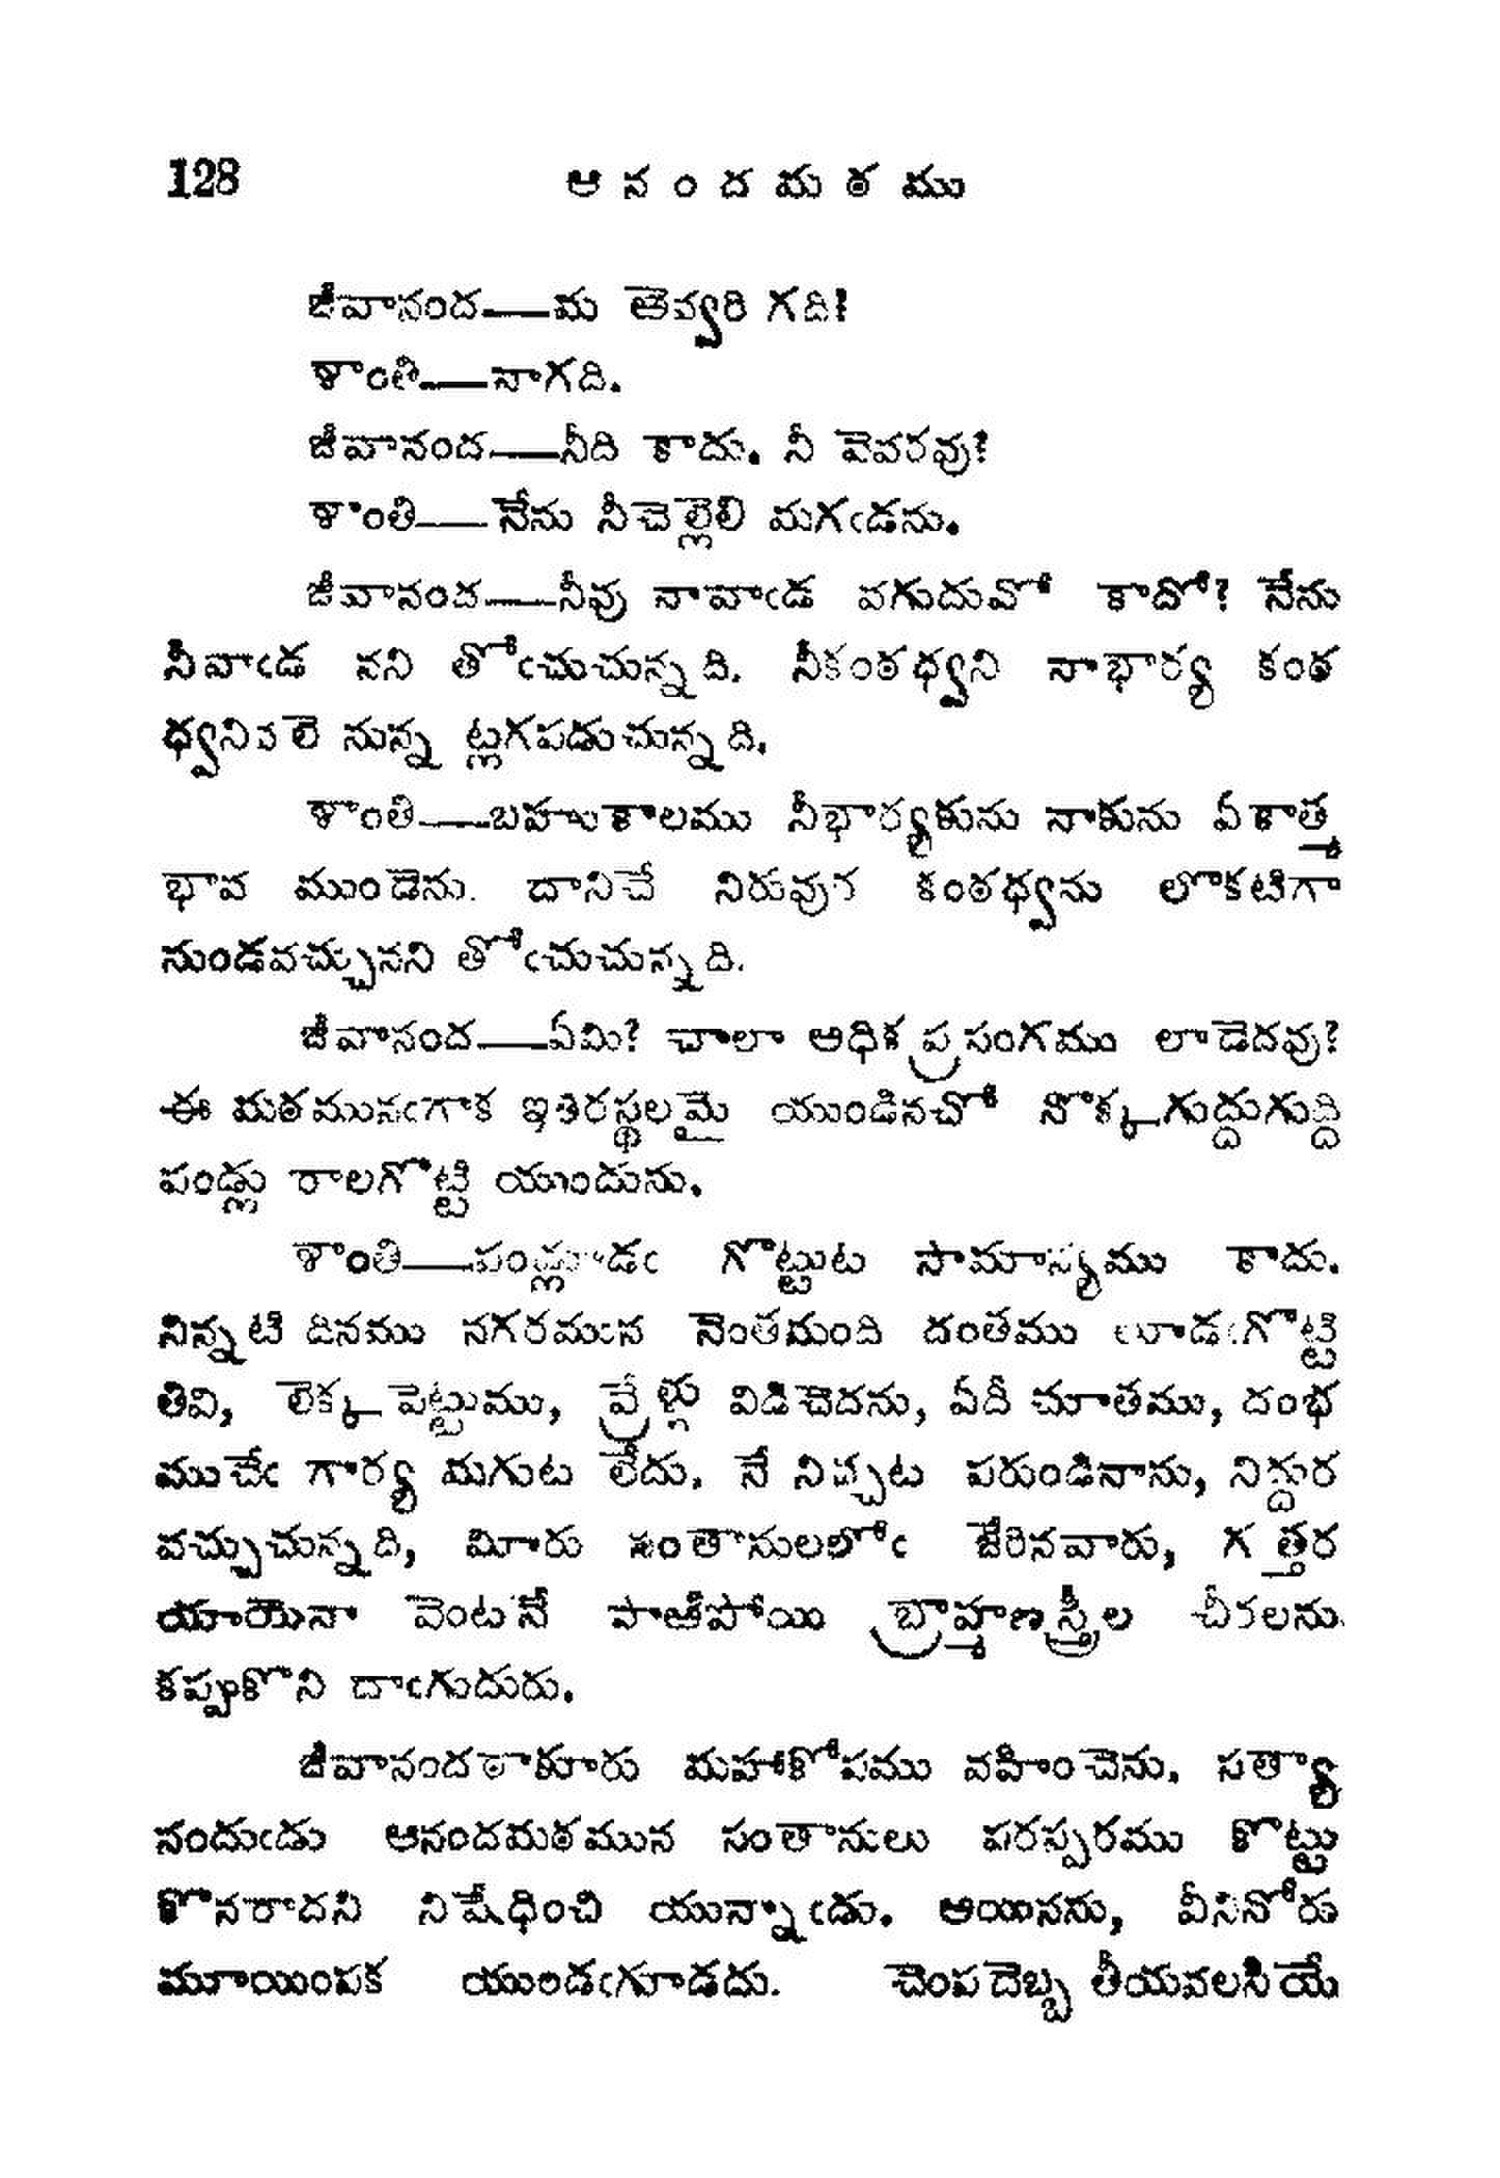జీవానంద——మ ఱెవ్వరి గది?

శాంతి—— నాగది.

జీవానంద——నీది కాదు. నీ వెవరవు?

శాంతి—— నేను నీ చెల్లెలి మగఁడను.

జీవానంద.——నీవు నావాడ వగుదువో కాదో! నేను నీవాఁడ నని తోచుచున్నది. నీకంఠ ధ్వని నాభార్య కంఠ ధ్వనివలె నున్న ట్లగపడుచున్నది.

శాంతి—— బహుశాలము నీ భార్యకును నాకును ఏకాత్మ భావ ముండెను. దానిచే నిరువుర కంఠధ్వను లొకటిగా నుండవచ్చునని తోఁచుచున్నది.

జీవానంద——ఏమి? చాలా అధిక ప్రసంగము లాడెదవు? ఈ మఠమునఁ గాక ఇతరస్థలమై యుండినచో నొక్క గుద్దుగుద్ది
పండ్లు రాలగొట్టి యుండును,

శాంతి—— పండ్లూడఁ గొట్టుట సామాన్యము కాదు. నిన్నటి దినము నగరమున నెంతమంది దంతము లూడఁ గొట్టితివి, లెక్క పెట్టుము, వ్రేళ్లు విడిచెదను, ఏదీ చూతము, దంభముచే గార్య మగుట లేదు, నే నిచ్చట పరుండినాను, నిద్దుర
వచ్చుచున్నది, మీరు సంతానులలోఁ జేరినవారు, గత్తర యాయెనా వెంటనే పాఱిపోయి బ్రాహ్మణ స్త్రీల చీరలను
కప్పుకొని దాఁగుదురు.

జీవానందఠాకూరు మహాకోపము వహించెను, సత్యానందుఁడు ఆనందమఠమున సంతానులు పరస్పరము కొట్టు కొనరాదని నిషేధించి యున్నాఁడు. అయినను, వీనినోరు మూయింపక యుండఁగూడదు. చెంపదెబ్బ తీయవలసియే